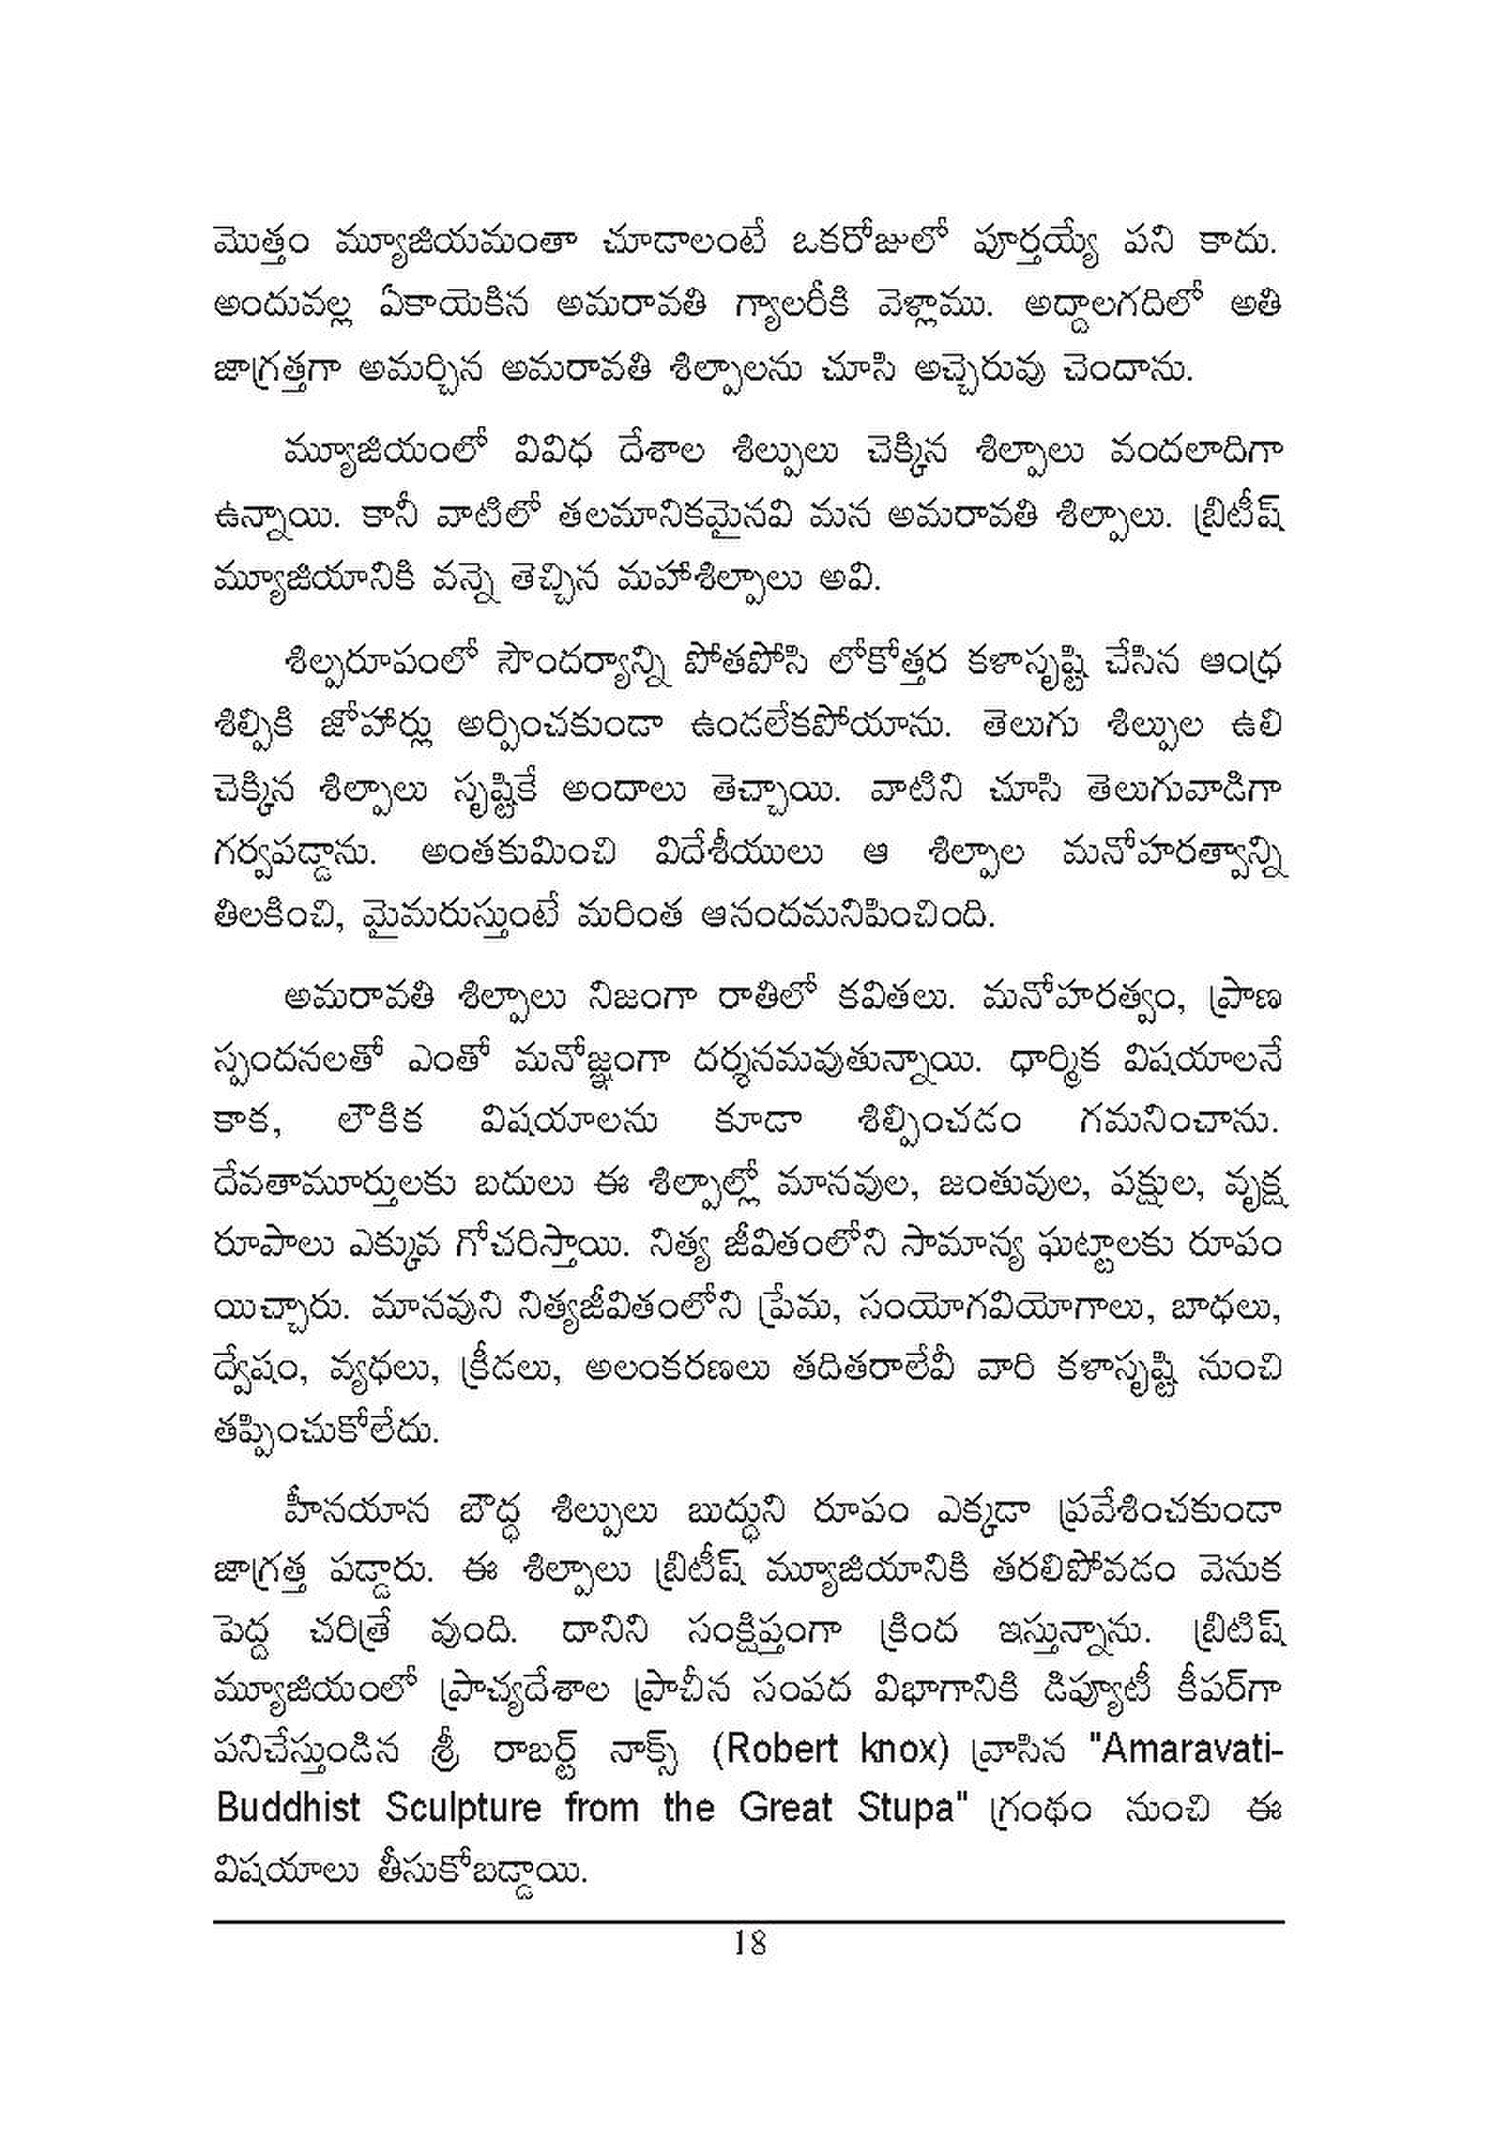మొత్తం మ్యూజియమంతా చూడాలంటే ఒకరోజులో పూర్తయ్యే పని కాదు. అందువల్ల ఏకాయెకిన అమరావతి గ్యాలరీకి వెళ్లాము. అద్దాలగదిలో అతి జాగ్రత్తగా అమర్చిన అమరావతి శిల్పాలను చూసి అచ్చెరువు చెందాను. 

మ్యూజియంలో వివిధ దేశాల శిల్పులు చెక్కిన శిల్పాలు వందలాదిగా ఉన్నాయి. కానీ వాటిలో తలమానికమైనవి మన అమరావతి శిల్పాలు. బ్రిటీష్ మ్యూజియానికి వన్నె తెచ్చిన మహాశిల్పాలు అవి. 

శిల్పరూపంలో సౌందర్యాన్ని పోతపోసి లోకోత్తర కళాసృష్టి చేసిన ఆంధ్ర శిల్పికి జోహార్లు అర్పించకుండా ఉండలేకపోయాను. తెలుగు శిల్పుల ఉలి చెక్కిన శిల్పాలు సృష్టికే అందాలు తెచ్చాయి. వాటిని చూసి తెలుగువాడిగా గర్వపడ్డాను. అంతకుమించి విదేశీయులు ఆ శిల్పాల మనోహరత్వాన్ని తిలకించి, మైమరుస్తుంటే మరింత ఆనందమనిపించింది.

అమరావతి శిల్పాలు నిజంగా రాతిలో కవితలు. మనోహరత్వం, ప్రాణ స్పందనలతో ఎంతో మనోజ్ఞంగా దర్శనమవుతున్నాయి. ధార్మిక విషయాలనే కాక, లౌకిక విషయాలను కూడా శిల్పించడం గమనించాను. దేవతామూరులకు బదులు ఈ శిల్పాల్లో మానవుల, జంతువుల, పక్షుల, వృక్ష రూపాలు ఎక్కువ గోచరిస్తాయి. నిత్య జీవితంలోని సామాన్య ఘట్టాలకు రూపం యిచ్చారు. మానవుని నిత్యజీవితంలోని ప్రేమ, సంయోగవియోగాలు, బాధలు, ద్వేషం, వ్యధలు, క్రీడలు, అలంకరణలు తదితరాలేవీ వారి కళాసృష్టి నుంచి తప్పించుకోలేదు. 

హీనయాన బౌద్ధ శిల్పులు బుద్ధుని రూపం ఎక్కడా ప్రవేశించకుండా జాగ్రత్త పడ్డారు. ఈ శిల్పాలు బ్రిటీష్ మ్యూజియానికి తరలిపోవడం వెనుక పెద్ద చరిత్రే వుంది. దానిని సంక్షిప్తంగా క్రింద ఇస్తున్నాను. బ్రిటిష్ మ్యూజియంలో ప్రాచ్యదేశాల ప్రాచీన సంపద విభాగానికి డిప్యూటీ కీపర్‌గా పని చేస్తుండిన శ్రీ రాబర్ట్ నాక్స్ (Robert knox) వ్రాసిన "Amaravati-Buddhist Sculpture from the Great Stupa" గ్రంథం నుంచి ఈ విషయాలు తీసుకోబడ్డాయి.